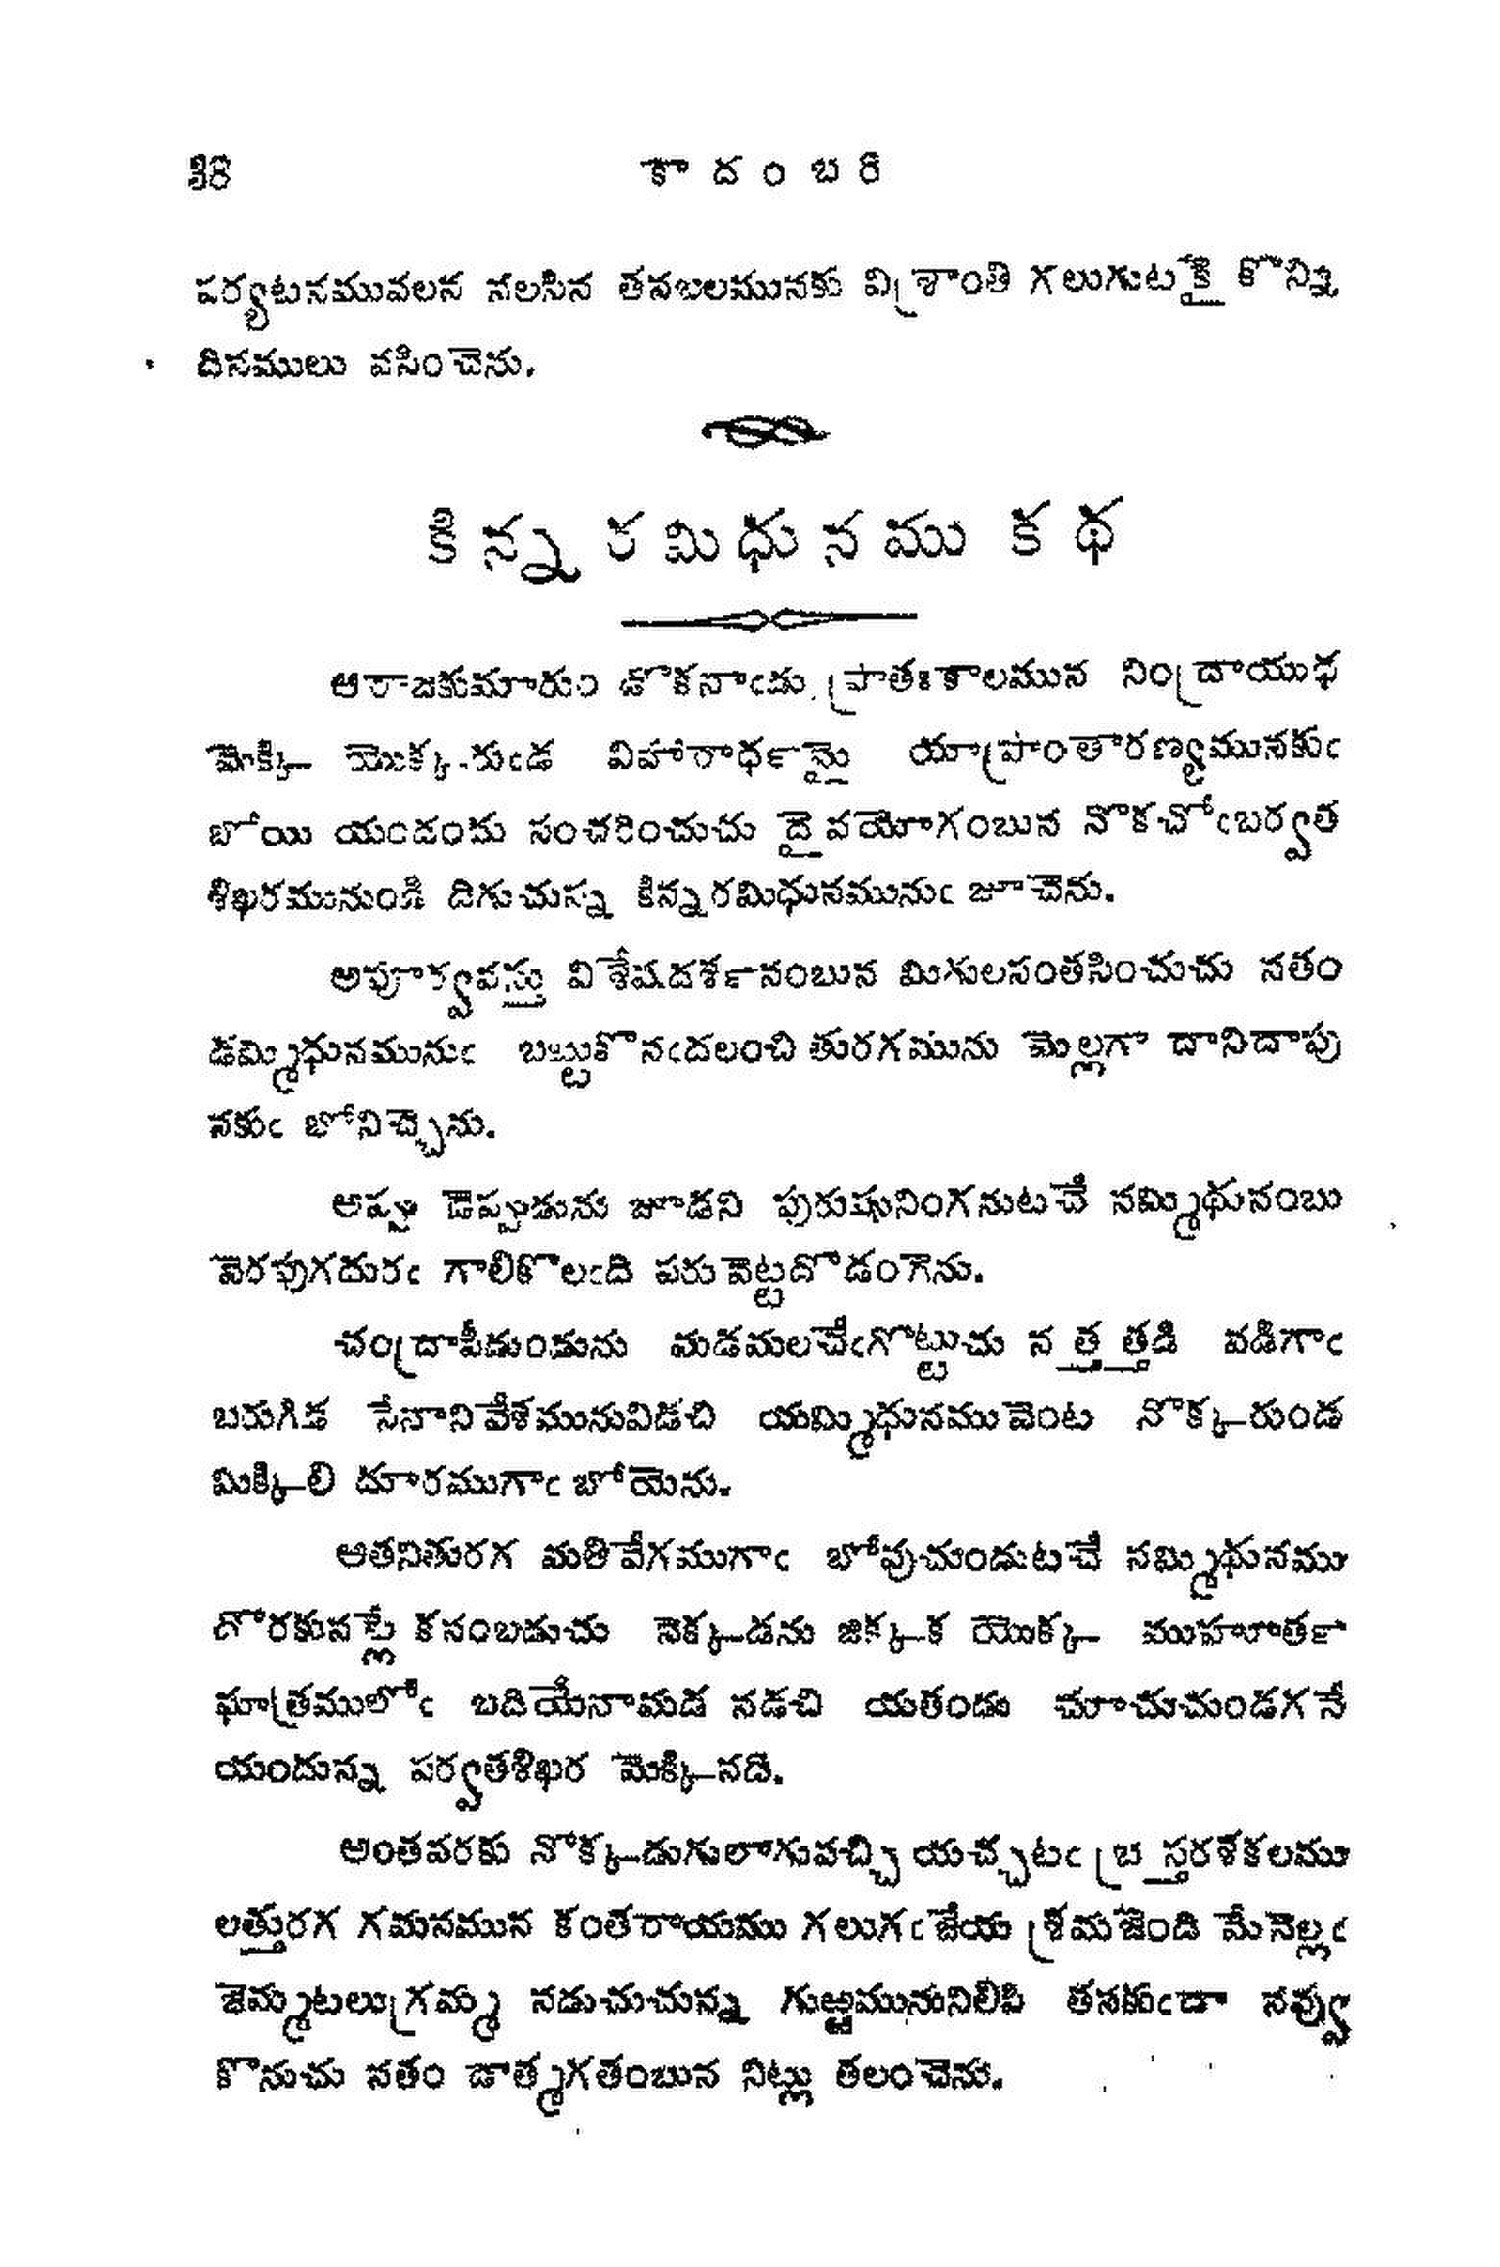పర్యటనమువలన నలసిన తనబలమునకు విశ్రాంతి గలుగుటకై కొన్ని దినములు వసించెను.

కిన్నరమిధునము కథ

ఆరాజకుమారుం డొకనాఁడు ప్రాతఃకాలమున నింద్రాయుధ మెక్కి యొక్కరుఁడ విహారాధ౯మై యాప్రాంతారణ్యమునకుఁ బోయి యందందు సంచరించుచు దైవయోగంబున నొకచోఁబర్వత శిఖరమునుండి దిగుచున్న కిన్నరమిధునమునుఁ జూచెను.

అపూర్వవస్తు విశేషదశ౯నంబున మిగులసంతసించుచు నతం డమ్మిధునమునుఁ బట్టుకొనఁదలంచి తురగమును మెల్లగా దానిదాపునకుఁ బోనిచ్చెను.

అప్పు డెప్పుడును జూడని పురుషునింగనుటచే నమ్మిథునంబు వెరవుగదురఁ గాలికొలఁది పరువెట్టదొడంగెను.

చంద్రాపీడుండును మడమలచేఁగొట్టుచు నత్తత్తడి వడిగాఁ బరుగిడ సేనానివేశమునువిడచి యమ్మిధునమువెంట నొక్కరుండ మిక్కిలి దూరముగాఁ బోయెను.

అతనితురగ మతివేగముగాఁ బోవుచుండుటచే నమ్మిథునము దొరకునట్లే కనంబడుచు నెక్కడను జిక్కక యొక్క ముహూత౯ ఘాత్రములోఁ బదియేనామడ నడచి యతండు చూచుచుండగనే యందున్న పర్వతశిఖర మెక్కినది.

అంతవరకు నొక్కడుగులాగువచ్చి యచ్చటఁ బ్రస్తరశకలము లత్తురగ గమనమున కంతరాయము గలుగఁజేయ శ్రమజెంది మేనెల్లఁ జెమ్మటలుగ్రమ్మ నడుచుచున్న గుఱ్ఱమునునిలిపి తనకుఁదా నవ్వుకొనుచు నతం డాత్మగతంబున నిట్లు తలంచెను.